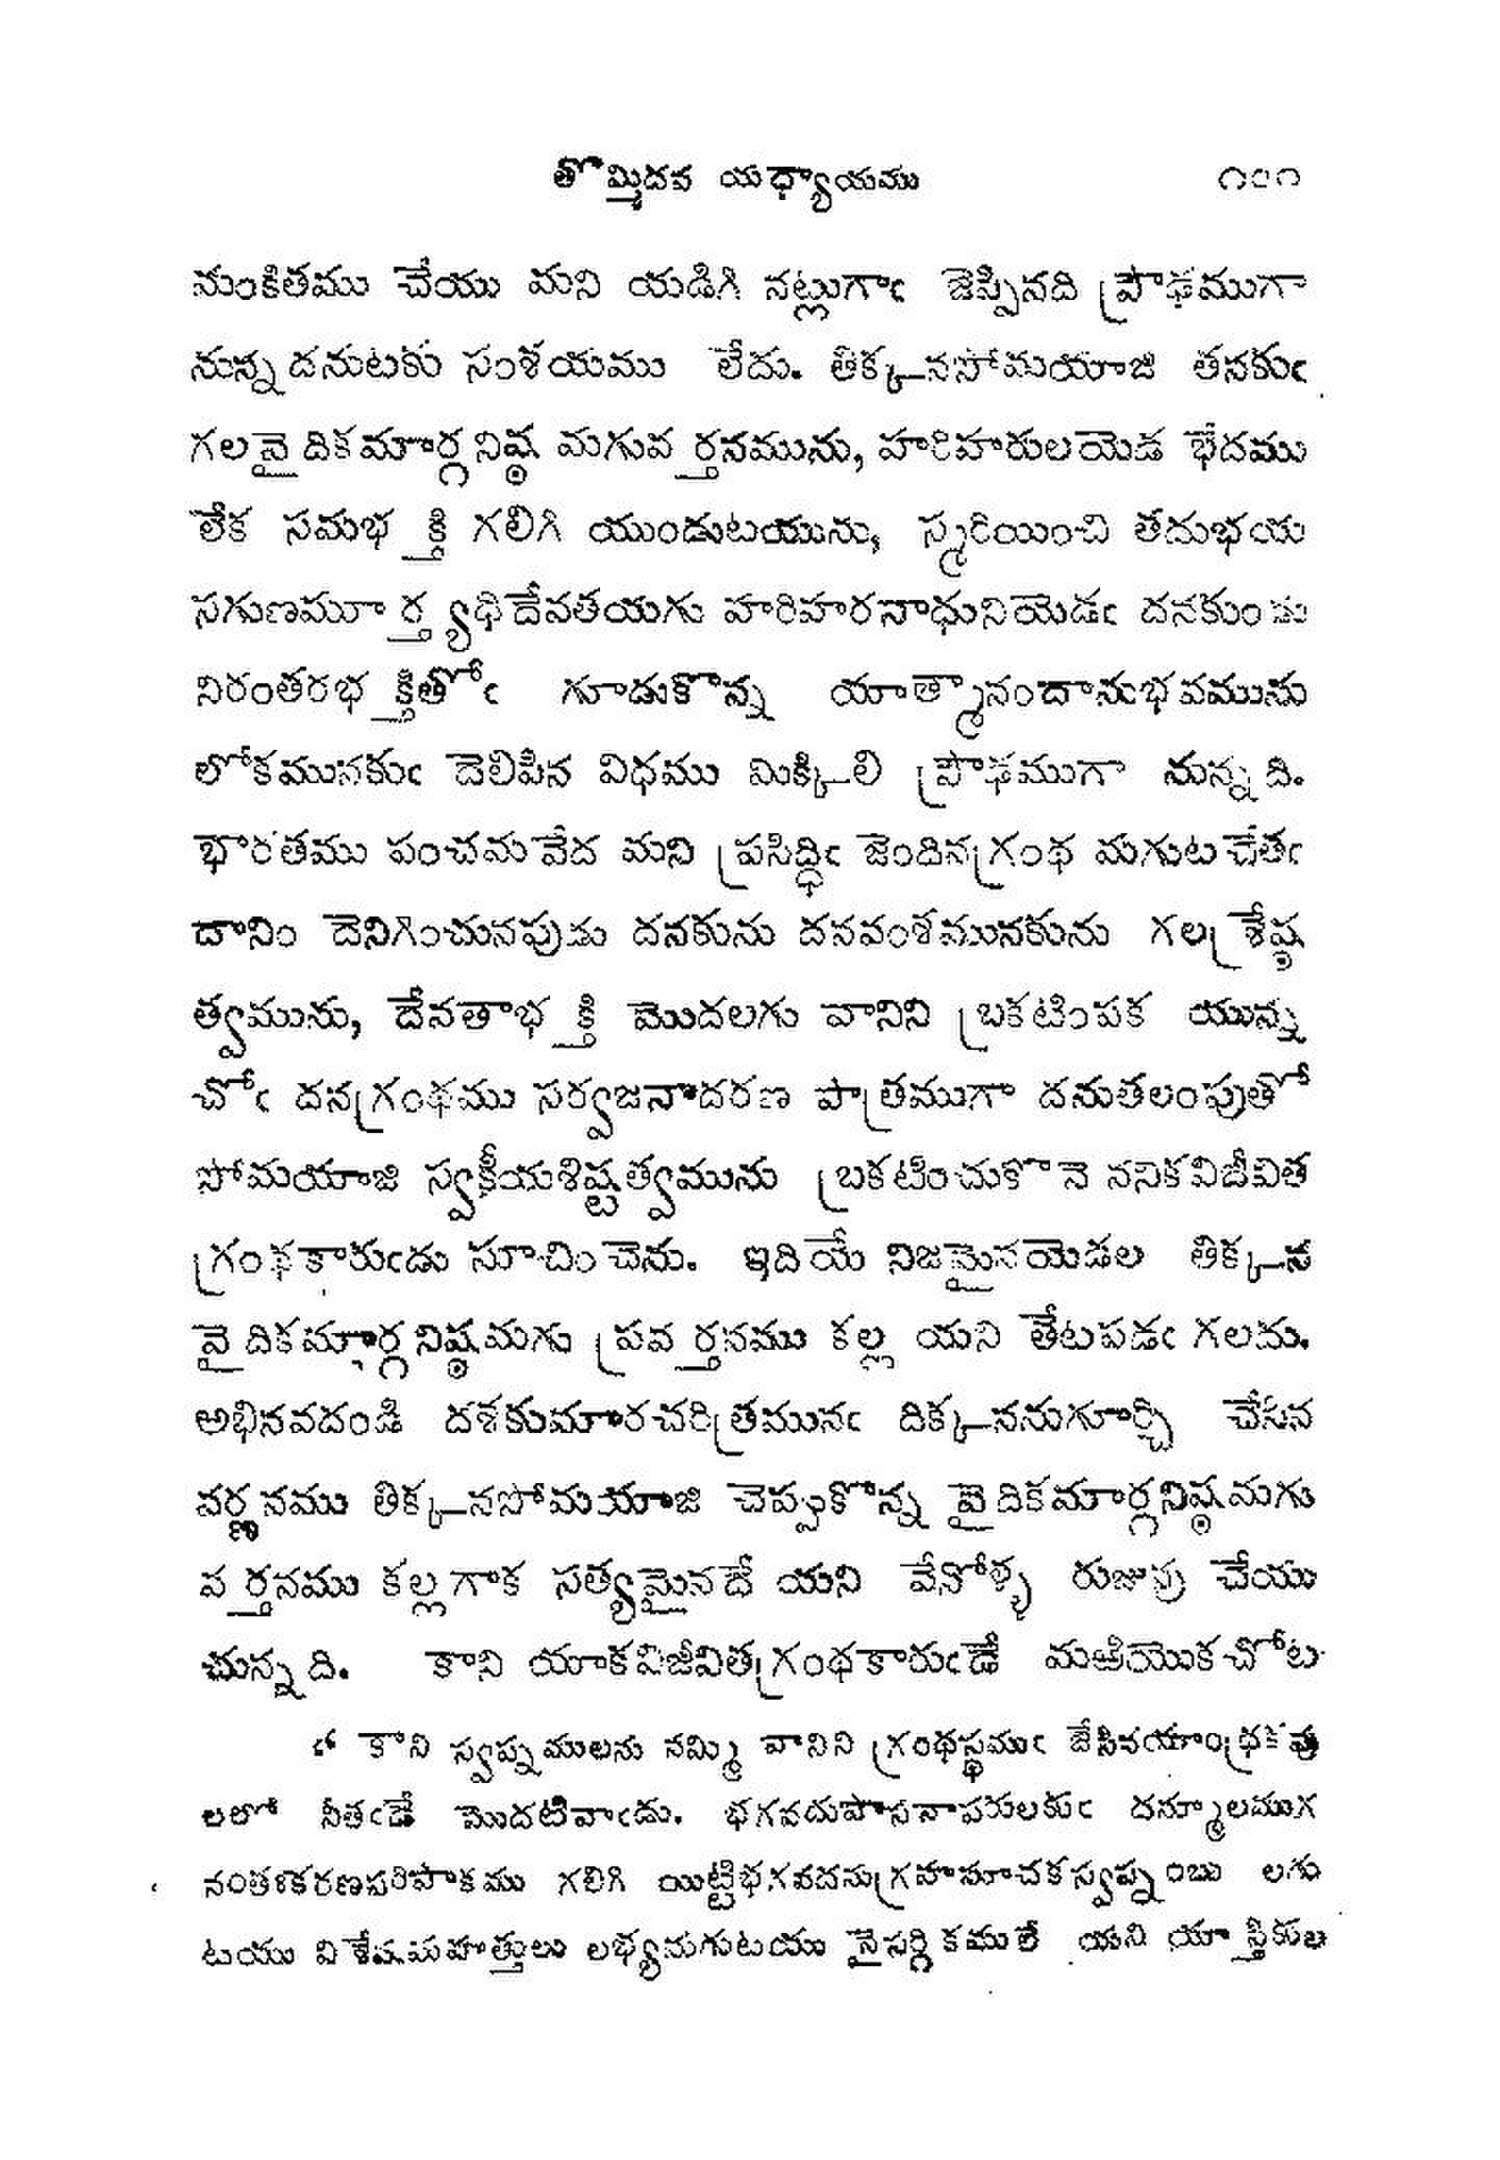మంకితము చేయు మని యడిగి నట్లుగాఁ జెప్పినది ప్రౌఢముగా నున్నదనుటకు సంశయము లేదు. తిక్కనసోమయాజి తనకుఁ గలవైదికమార్గ నిష్ఠ మగువర్తనమును, హరిహరులయెడ భేదములేక సమభ క్తి గలిగి యుండుటయును, స్మరియించి తదుభయ సగుణమూర్త్యధి దేవతయగు హరిహరనాధునియెడఁ దనకుండు నిరంతరభక్తితోఁ గూడుకొన్న యాత్మానందానుభవమును లోకమునకుఁ దెలిపిన విధము మిక్కిలి ప్రౌఢముగా నున్నది.
భారతము పంచమవేద మని ప్రసిద్ధిఁ జెందినగ్రంథ మగుటచేతఁ దానిం దెనిగించునపుడు దనకును దనవంశమునకును గలశ్రేష్ఠత్వమును, దేవతాభక్తి మొదలగు వానిని బ్రకటింపక యున్నచోఁ దనగ్రంథము సర్వజనాదరణ పాత్రముగా దనుతలంపుతో సోమయాజి స్వకీయశిష్టత్వమును బ్రకటించుకొనె ననికవిజీవిత గ్రంథకారుఁడు సూచించెను. ఇదియే నిజమైనయెడల తిక్కన వైదికమార్గనిష్ఠమగు ప్రవర్తనము కల్ల యని తేటపడఁ గలదు. అభినవదండి దశకుమారచరిత్రమునఁ దిక్కననుగూర్చి చేసిన వర్ణనము తిక్కనసోమయాజి చెప్పుకొన్న వైదికమార్గనిష్ఠమగు వర్తనము కల్లగాక సత్యమైనదే యని వేనోళ్ళ రుజువు చేయు చున్నది. కాని యాకవిజీవితగ్రంథకారుఁడే మఱియొక చోట

"కాని స్వప్నములను నమ్మి వానిని గ్రంథస్థముఁ జేసినయాంధ్రకవులలో నీతఁడే మొదటివాఁడు. భగవదుపాసనాపరులకుఁ దన్మూలముగ నంతఃకరణపరిపాకము గలిగి యిట్టిభగవదనుగ్రహ సూచకస్వప్నంబు లగుటయు విశేషమహత్తులు లభ్యమగుటయు నైసర్గికములే యని యాస్తికుల